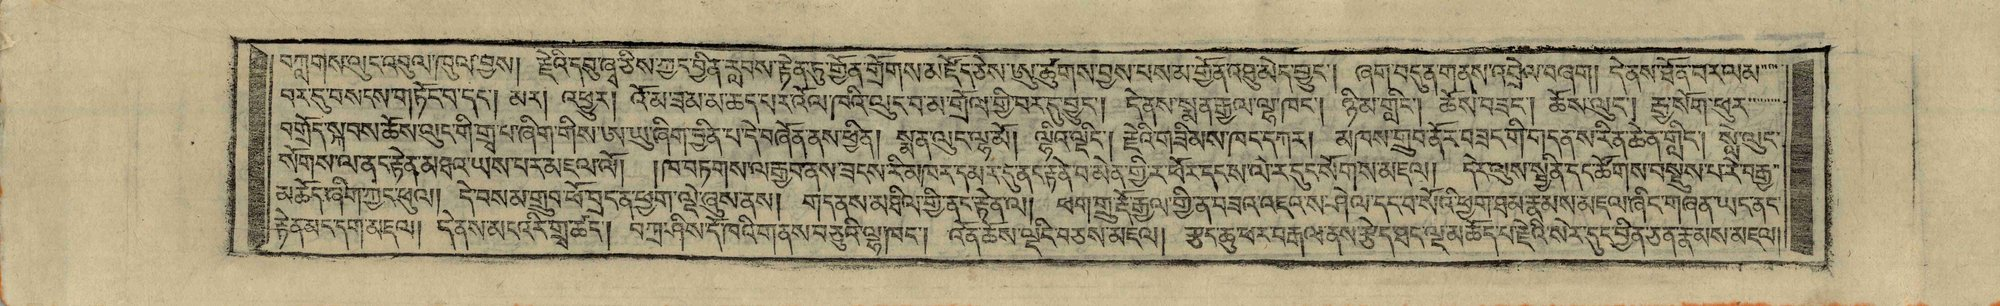བཀླགས་ལུང་འབུལ་ཁུལ་བྱས། རྗེའི་དབུ་ཞྭ་ཅིས་ཀྱང་བྱིན་རླབས་རྟེན་ཏུ་གྱོན་གྲོགས་མཛོད་ཅེས་ཨུ་ཚུགས་བྱས་པས་མ་གྱོན་འཐུ་མེད་བྱུང་། ཞག་བདུན་གནས་འབྲེལ་བཞག །དེ་ནས་ཐོན་བར་ལམ་
བར་དུ་བསངས་གཏོང་བ་དང་། མར། འཕྱུར། འོ་མ་ཟམ་མ་ཆད་པར་འོལ་ཁའི་ལུང་བ་མ་གྲོལ་གྱི་བར་དུ་བྱུང་། དེ་ནས་སྨན་རྒྱལ་ལྷ་ཁང་། ཉི་མ་གླིང་། ཆོས་བཟང་། ཆོས་ལུང་། རྒྱ་སོག་ཕུར་
བགྲོད་སྐབས་ཆོས་ལུང་གི་གྲྭ་པ་ཞིག་གིས་ཨ་ཡུ་ཞིག་བྱིན་པ་དེ་བཞོན་ནས་ཕྱིན། སྨན་ལུང་ལྷ་མོ། ལྷའི་ལྡིང་། རྗེའི་གཟིམས་ཁང་དཀར། མཁས་གྲུབ་ནོར་བཟང་གི་གདན་ས་རིན་ཆེན་གླིང་། སླེ་ལུང་
སོགས་ལ་ནང་རྟེན་མཐའ་ཡས་པར་མཇལ་ལོ། །ཁ་བཏགས་ལ་རྒྱབ་ནས་ཟངས་རི་མཁར་དམར་དུ་ནང་རྟེན་པ་མེན་གྱི་ར་ཕོར་དང་ས་ལེ་ར་དུང་སོགས་མཇལ། དེར་ལུས་སྦྱིན་དང་ཚོགས་བསྡུས་པ་རེ་བརྒྱ་
མཆོད་ཞིག་ཀྱང་ཕུལ། དེ་བསམ་གྲུབ་ཕོ་བྲང་ན་ཕྱག་ལྡེ་ཞུས་ནས། གདན་ས་མཐིལ་གྱི་ནང་རྟེན་ལ། ཕག་གྲུ་རྡོ་རྒྱལ་གྱི་ན་བཟའ་འཇའ་ས་ཤེལ་དང་བ་སོའི་ཕྱག་ཐམ་རྣམས་མཇལ་ཞིང་གཞན་ཡང་ནང་
རྟེན་མང་དག་མཇལ། དེ་ནས་མངའ་རི་གྲྭ་ཚང་། བཀྲ་ཤིས་དོ་ཁའི་གནས་བཅུའི་ལྷ་ཁང་། འོན་ཆོས་ལྡིང་བཅས་མཇལ། རྩང་ཆུ་ཕར་བརྒལ་ནས་རྩེད་ཐང་ལྔ་མཆོད་པ་རྗེའི་སེར་དུང་བྱིན་ཅན་རྣམས་མཇལ།